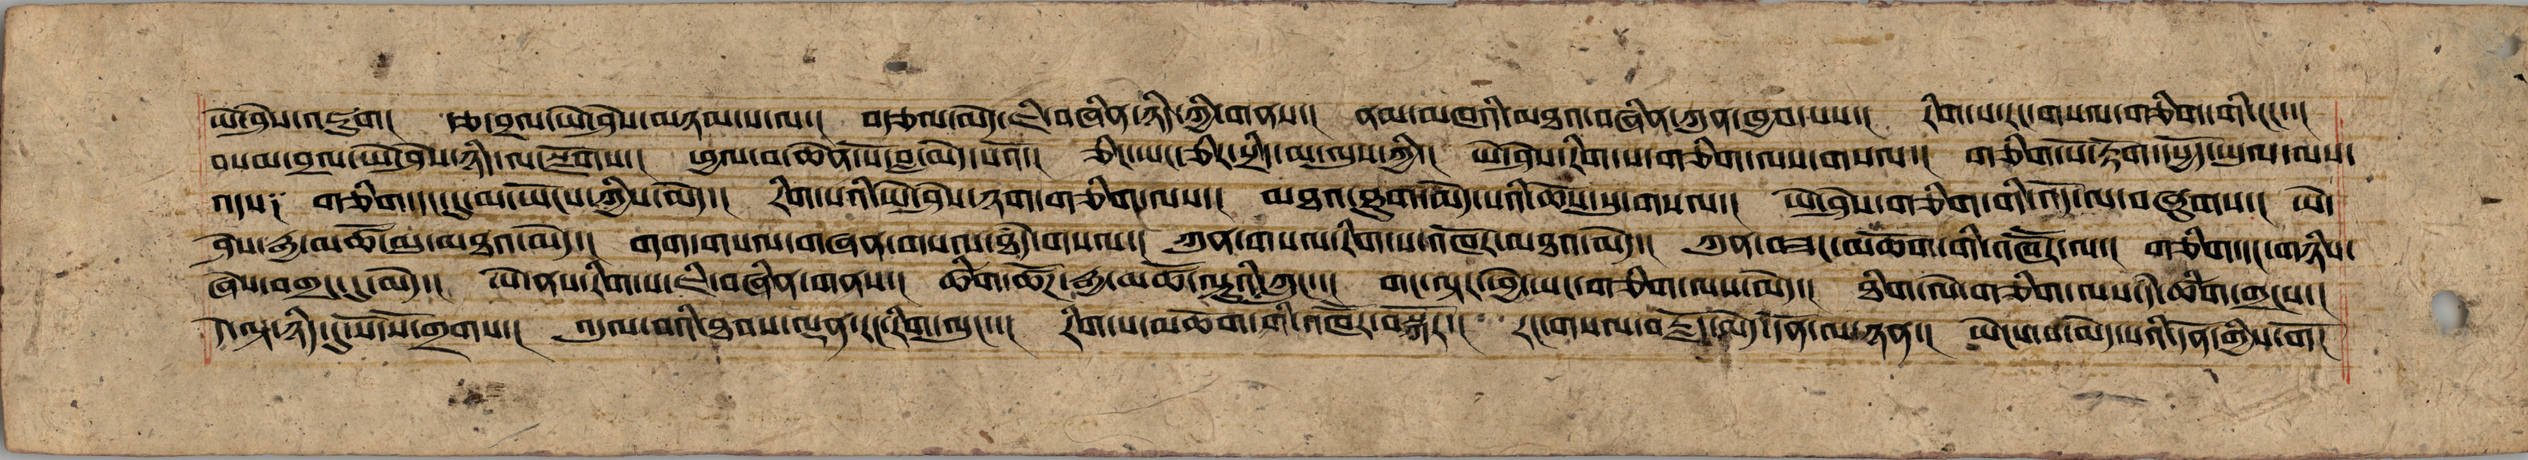ཡེ་ཤེས་འཇུག། རྩ་བྲལ་ཡེ་ཤེས་མཉམ་པ་ལ་། བརྩལ་མེད་ཇི་བཞིན་ཉིད་ཀྱི་གནས་། ནམ་མཁའི་མཐའ་བཞིན་ཀུན་ཁྱབ་པས་། རིག་པ་རང་གསལ་གཅིག་གི་ངང་་།
བསམ་བྲལ་ཡེ་ཤེས་ཉིད་ལ་སྫོགས་། ཕྱལ་བ་ཆེན་པོ་བླ་མེད་པའོ་། ཅིར་ཡང་ཅིར་སྲིད་མ་ལུས་ཀྱི་། ཡེ་ཤེས་རིག་པ་གཅིག་ལས་གསལ་། གཅིག་པོ་རྟོག་དཔྱོད་ཡུལ་ལས་
འདས༑ གཅིག་དང་དུ་མ་ཡོངས་ཀྱིས་མེད་། རིག་པའི་ཡེ་ཤེས་ཉག་གཅིག་ལས་། མཐའ་ཐུག་མེད་པའི་ཆོས་སུ་གསལ་། ཡེ་ཤེས་གཅིག་གི་འོད་ལ་བཞུགས་། ཡེ་
ཤེས་རྒྱ་མཚོ་མུ་མཐའ་མེད་། གག་གསལ་གཞན་གསལ་ཐཾད་གསལ་། ཀུན་གསལ་རིག་པ་འཁོར་མཐའ་མེད་། ཀུན་བཟང་མཆོག་གི་འཁཽར་ལ་། གཅིག་དང་གཉིས་
ཞེས་བགྲང་དུ་མེད་། ཡེ་ནས་རིག་པ་ཇི་བཞིན་གནས་། ཚིག་ཚོཌ་རྒྱ་མཚོ་ལྟུའི་ཀླུང་་། གང་ལྟར་ཕྱེ་ཡང་གཅིག་ལས་མེད་། ཐིག་ལེ་གཅིག་ལས་དཾ་ཚིག་གྲངས་།
དེ་ལྟ་ཉིད་དུ་སོ་སོ་གྲགས་། འདུལ་ཡིད་ཐབས་ལྡན་རང་རིག་ལུང་་། རིག་པ་མཆོག་གི་འཁཽར་བསྐོར་། རང་གསལ་བརྗོད་མེད་དོན་ལ་ཉན་། ཡེངས་པ་མེད་པའི་དོན་གྱིས་གོཌ